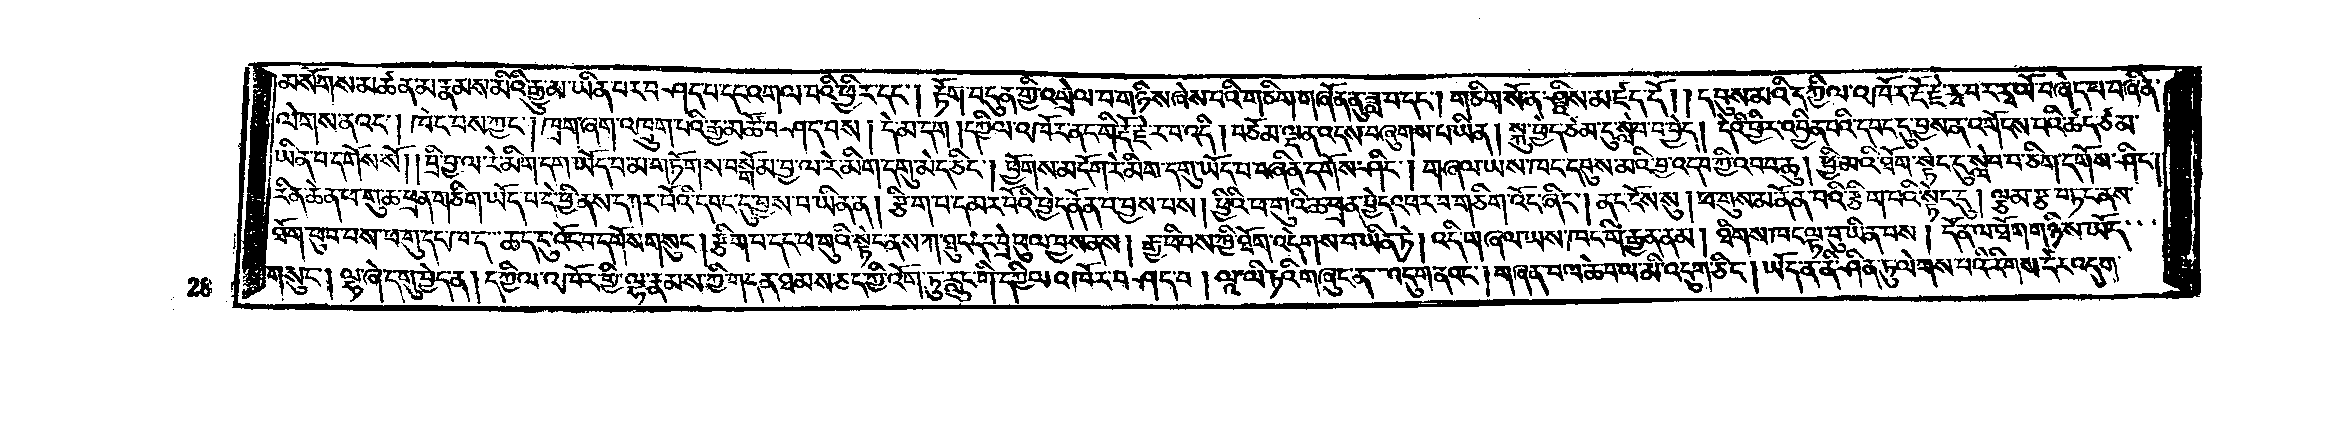མ་སོགས་མཚན་མ་རྣམས་མིའི་རྒྱུ་མ་ཡིན་པར་བཤད་པ་དང་འགལ་བའི་ཕྱིར་དང་། རྟོག་བདུན་གྱི་འགྲེལ་བ་གཉིས་ཞེས་པའི་གཅིག་གཞོན་ནུ་ཟླ་བ་དང་། གཅིག་སོ་ན་ཤྲཱིས་མཛད་དོ། །དབུས་མའི་དཀྱིལ་འཁོར་རྡོ་རྗེ་རྭ་བར་རྭ་ལོ་བཞེད་པ་བཞིན་
ལེགས་ནའང་། ཁེང་བས་ཀྱང་། ཁྲག་ཞག་འཁྲུག་པའི་རྒྱ་མཚོ་བཤད་པས། དེ་མ་དག །དཀྱིལ་འཁོར་ནང་གི་རྡོ་རྗེ་ར་བ་འདི། བཅོམ་ལྡན་འདས་བཞུགས་པ་ཡིན། སྐུ་ཕྱེད་ཙམ་དུ་སླེབ་པ་བྱེད། དེའི་ཕྱིར་འབྱིན་པའི་དབང་དུ་བྱས་ན་འགོངས་པའི་ཚད་ཙམ་
ཡིན་པ་དགོས་སོ། །བྲི་བྱ་ལ་རེ་མིག་དག་ཡོད་པ་མ་གཏོགས་བསྒོམ་བྱ་ལ་རེ་མིག་དགུ་མེད་ཅིང་། ཕྱོགས་མདོག་རེ་མིག་དགུ་ཡོད་པ་བཞིན་དགོས་ཤིང་། གཞལ་ཡས་ཁང་དབུས་མའི་བྱ་འདབ་ཀྱི་འབབ་ཆུ། ཕྱི་མའི་ཐོག་སྟེང་དུ་སླེབ་པ་ཅིག་དགོས་ཤིང་།
རིན་ཆེན་ཕ་གུ་ཆ་ཕྲན་གཅིག་ཡོད་པ་དེ་ཕྱི་ནས་དཀར་པོའི་དབང་དུ་བྱས་པ་ཡིན་ན། རྩིག་པ་དམར་པོའི་ཕྱེད་ནོན་པ་བྱས་པས། ཕྱིའི་ཕ་གུའི་ཆ་ཕྲན་བྱེད་འཕར་བ་གཅིག་འོང་ཞིང་། ནང་ངོས་སུ། ཕ་གུས་མ་ནོན་པའི་རྩིག་པའི་སྟེང་དུ། ལྕམ་རྩ་བཏང་ནས་
ཐོག་ཕུབ་པས་ཕ་གུ་དང་ཁ་ད་ཆད་དུ་འོང་བ་དགོས་གསུང་། རྩིག་པ་དང་ཕ་གུའི་སྟེང་ནས་ཀ་ཐུང་དང་བྲེ་ཕུལ་བྱས་ནས། རྒྱ་ཕིབས་ཀྱི་ཐོག་འདེགས་པ་ཡིན་ཏེ། འདི་གཞལ་ཡས་ཁང་གི་རྒྱན་ནམ། ཐིགས་ཁང་ལྟ་བུ་ཡིན་པས། དོན་ལ་ཐོག་གཉིས་ཡོད་
གསུང་། ལྷ་ཞེ་དགུ་བྱེད་ན། དཀྱིལ་འཁོར་གྱི་ལྷ་རྣམས་ཀྱི་གདན་ཐམས་ཅད་ཀྱི་འོག་ཏུ་རླུང་གི་དཀྱིལ་འཁོར་བཤད་པ། ལཱ་ལི་ཏའི་གཞུང་ན་འདུག་ནའང་། གཞན་བལ་ཆེ་བ་ལ་མི་འདུག་ཅིང་། ཡོད་ན་ནི་ཤིན་ཏུ་ལེགས་པའི་རིགས་དོར་འདུག་